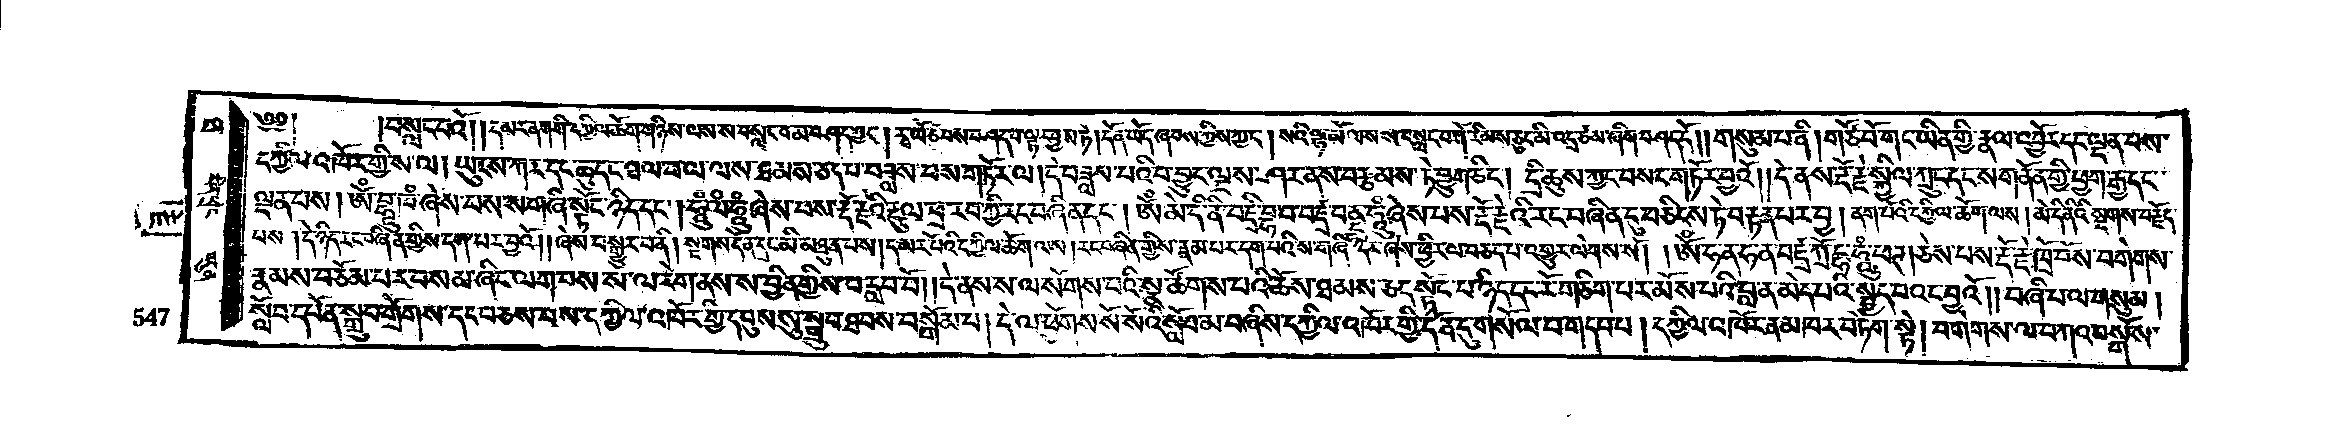༄༅། །བསླང་བའོ། །དམར་ནག་གི་དཀྱིལ་ཆོག་གཉིས་ལས་ས་བསླང་བ་མ་བཤད་ཀྱང་། རྭ་ལོ་ཙཱ་བས་བཤད་པ་ལྟར་བྱས་ཏེ། དོན་ཡོད་ཞབས་ཀྱིས་ཀྱང་། སའི་ལྷ་མོ་ལས་ས་བསླང་བ་གོ་རིམས་ཅུང་མི་འདྲ་ཙམ་ཞིག་བཤད་དོ།  །གསུམ་པ་ནི། གཙོ་བོ་གང་ཡིན་གྱི་རྣལ་འབྱོར་དང་ལྡན་པས་
དཀྱིལ་འཁོར་གྱི་ས་ལ། ཡུངས་ཀར་དང་ཆུ་དང་ཐལ་བ་ལ་ལས་ཐམས་ཅད་པ་བཟླས་པས་གཏོར་ལ། དེ་བཟླས་པའི་བ་བྱུང་ལྔས་ཤར་ནས་བརྩམས་ཏེ་ཕྱུག་ཅིང་། དྲི་ཆུས་ཀྱང་བསང་གཏོར་བྱའོ། །དེ་ནས་རྡོ་རྗེ་སྐྱིལ་ཀྲུང་དང་ས་གནོན་གྱི་ཕྱག་རྒྱ་དང་
ལྡན་པས། ཨོཾ་བྷཱུ་ཁཾ་ཞེས་པས་ས་གཞི་སྟོང་ཉིད་དང་། ཧཱུཾ་ལཾ་ཧཱུཾ་ཞེས་པས་རྡོ་རྗེའི་རྡུལ་ཕྲ་རབ་ཀྱི་རང་བཞིན་དང་། ཨོཾ་མེ་དི་ནི་བཛྲི་བྷ་བ་བཛྲ་བནྡྲ་ཧཱུཾ་ཞེས་པས་རྡོ་རྗེའི་རང་བཞིན་དུ་བཅིངས་ཏེ་བརྟན་པར་བྱ། ནག་པོའི་དཀྱིལ་ཆོག་ལས། མེ་དི་ནིའི་སྔགས་བརྗོད་
པས། དེ་ཉིད་རང་བཞིན་གྱིས་དག་པར་བྱའོ། །ཞེས་བསྒྱུར་བ་ནི། སྔགས་དོན་དང་མི་མཐུན་པས། དམར་པོའི་དཀྱིལ་ཆོག་ལས། རང་བཞིན་གྱིས་རྣམ་པར་དག་པའི་ས་གཞི་དར་ཞེས་ཕྱིར་ལ་བཅད་པ་འགྱུར་ལེགས་སོ། །ཨོཾ་ཧ་ན་ཧ་ན་བཛྲ་ཀྲོ་དྷ་ཧཱུཾ་ཕཊ། ཅེས་པས་རྡོ་རྗེ་ཁྲོ་བོས་བགེགས་
རྣམས་བཅོམ་པར་བསམ་ཞིང་ལག་པས་ས་ལ་རེག་ནས་ས་བྱིན་གྱིས་བརླབ་བོ། །དེ་ནས་ས་ལ་སོགས་པའི་སྣ་ཚོགས་པའི་ཆོས་ཐམས་ཅད་སྟོང་པ་ཉིད་དང་རོ་གཅིག་པར་མོས་པའི་བླ་ན་མེད་པའི་སྦྱང་བའང་བྱའོ། །བཞི་པ་ལ་གསུམ།
སློབ་དཔོན་སྒྲུབ་གྲོགས་དང་བཅས་པས་དཀྱིལ་འཁོར་གྱི་དབུས་སུ་སྒྲུབ་ཐབས་བསྒོམ་པ། དེ་ལ་ཕྱོགས་སོ་སོའི་སློབ་མ་བཞིས་དཀྱིལ་འཁོར་གྱི་དོན་དུ་གསོལ་བ་གདབ་པ། དཀྱིལ་འཁོར་ནམ་མཁར་བཏེག་སྟེ། བགེགས་ལ་བཀའ་བསྒོས་